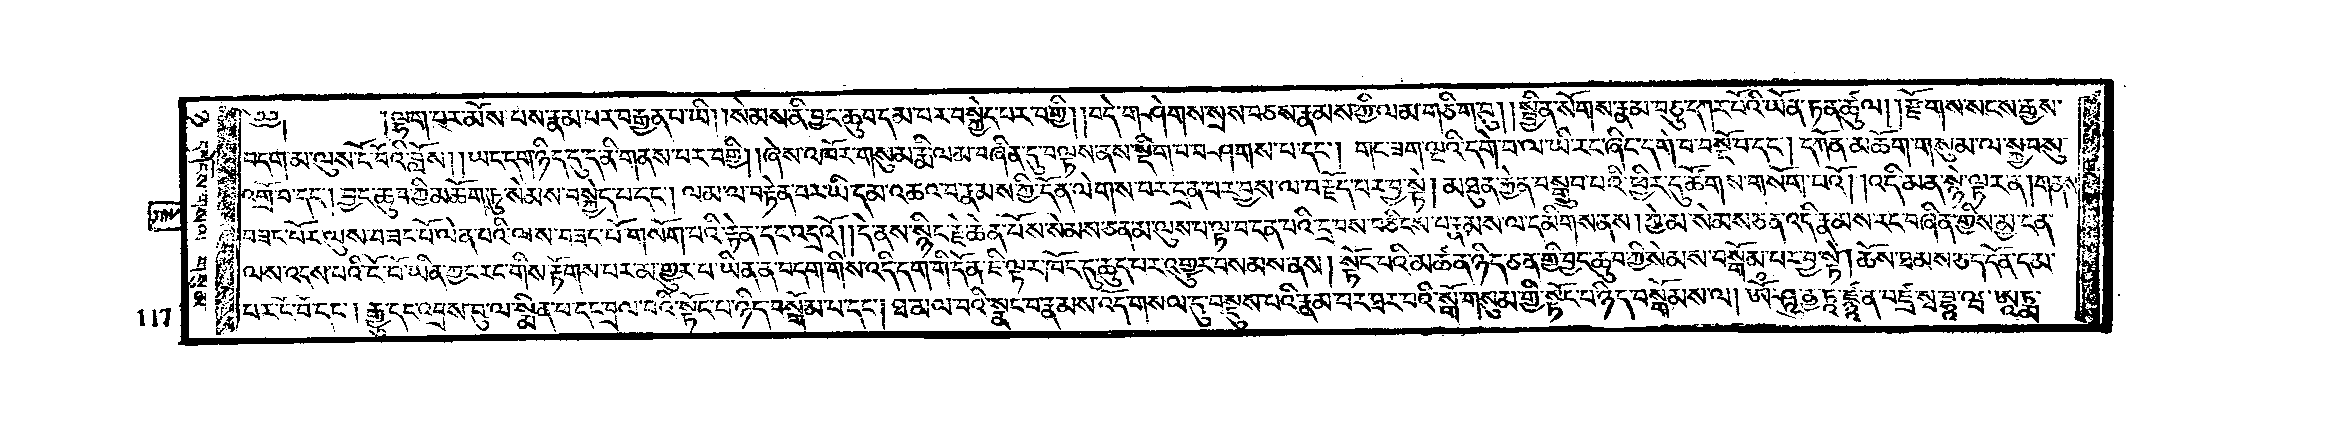༄༅། །ལྷག་པར་མོས་པས་རྣམ་པར་བརྒྱན་པ་ཡི། །སེམས་ནི་བྱང་ཆུབ་དམ་པར་བསྐྱེད་པར་བགྱི། །བདེ་གཤེགས་སྲས་བཅས་རྣམས་ཀྱི་ལམ་གཅིག་བུ། །སྦྱིན་སོགས་རྣམ་བཅུ་དཀར་པོའི་ཡོན་ཏན་ཚུལ། །རྫོགས་སངས་རྒྱས་
བདག་མ་ལུས་ངོ་བོའི་བློས། །ཡང་དག་ཉིད་དུ་ད་ནི་གནས་པར་བགྱི། །ཞེས་འཁོར་གསུམ་རྨི་ལམ་བཞིན་དུ་བལྟས་ནས་སྡིག་པ་བཤགས་པ་དང་། གང་ཟག་ལྔའི་དགེ་བ་ལ་ཡི་རང་ཞིང་དགེ་བ་བསྔོ་བ་དང་། དཀོན་མཆོག་གསུམ་ལ་སྐྱབས་སུ་
འགྲོ་བ་དང་། བྱང་ཆུབ་ཀྱི་མཆོག་ཏུ་སེམས་བསྐྱེད་པ་དང་། ལམ་ལ་བརྟེན་པར་ཡི་དམ་འཆའ་བ་རྣམས་ཀྱི་དོན་ལེགས་པར་དྲན་པར་བྱས་ལ་བརྗོད་པར་བྱ་སྟེ། མཐུན་རྐྱེན་བསྒྲུབ་པའི་ཕྱིར་དུ་ཚོགས་གསོག་པའོ། །འདི་མན་སྙེ་ལྟར་ན། གནས་
བཟང་པོར་ལུས་བཟང་པོ་ལེན་པའི་ལས་བཟང་པོ་གསོག་པའི་རྟེན་དང་འདྲའོ། །དེ་ནས་སྙིང་རྗེ་ཆེན་པོས་སེམས་ཅན་མ་ལུས་པ་ལྟ་བ་ངན་པའི་དྲ་བས་བཅིངས་པ་རྣམས་ལ་དམིགས་ནས། ཀྱེ་མ་སེམས་ཅན་འདི་རྣམས་རང་བཞིན་གྱིས་མྱ་ངན་
ལས་འདས་པའི་ངོ་བོ་ཡིན་ཀྱང་རང་གིས་རྟོགས་པར་མ་གྱུར་པ་ཡིན་ན་བདག་གིས་འདི་དག་གི་དོན་ཇི་ལྟར་ཁོང་དུ་ཆུད་པར་འགྱུར་བསམས་ནས། སྟོང་པའི་མཚན་ཉིད་ཅན་གྱི་བྱང་ཆུབ་ཀྱི་སེམས་བསྒོམ་པར་བྱ་སྟེ། ཆོས་ཐམས་ཅད་དོན་དམ་
པར་ངོ་བོ་དང་། རྒྱུ་དང་འབྲས་བུ་ལ་སྨོན་པ་དང་བྲལ་བའི་སྟོང་པ་ཉིད་བསྒོམ་པ་དང་། ཐ་མལ་བའི་སྣང་བ་རྣམས་འོད་གསལ་དུ་བསྡུས་པའི་རྣམ་པར་ཐར་པའི་སྒོ་གསུམ་གྱི་སྟོང་པ་ཉིད་བསྒོམས་ལ། ཨོཾ་ཤཱུ་ནྱ་ཏཱ་ཛྙཱ་ན་བཛྲ་སྭ་བྷཱ་ཝ་ཨཱཏྨ་